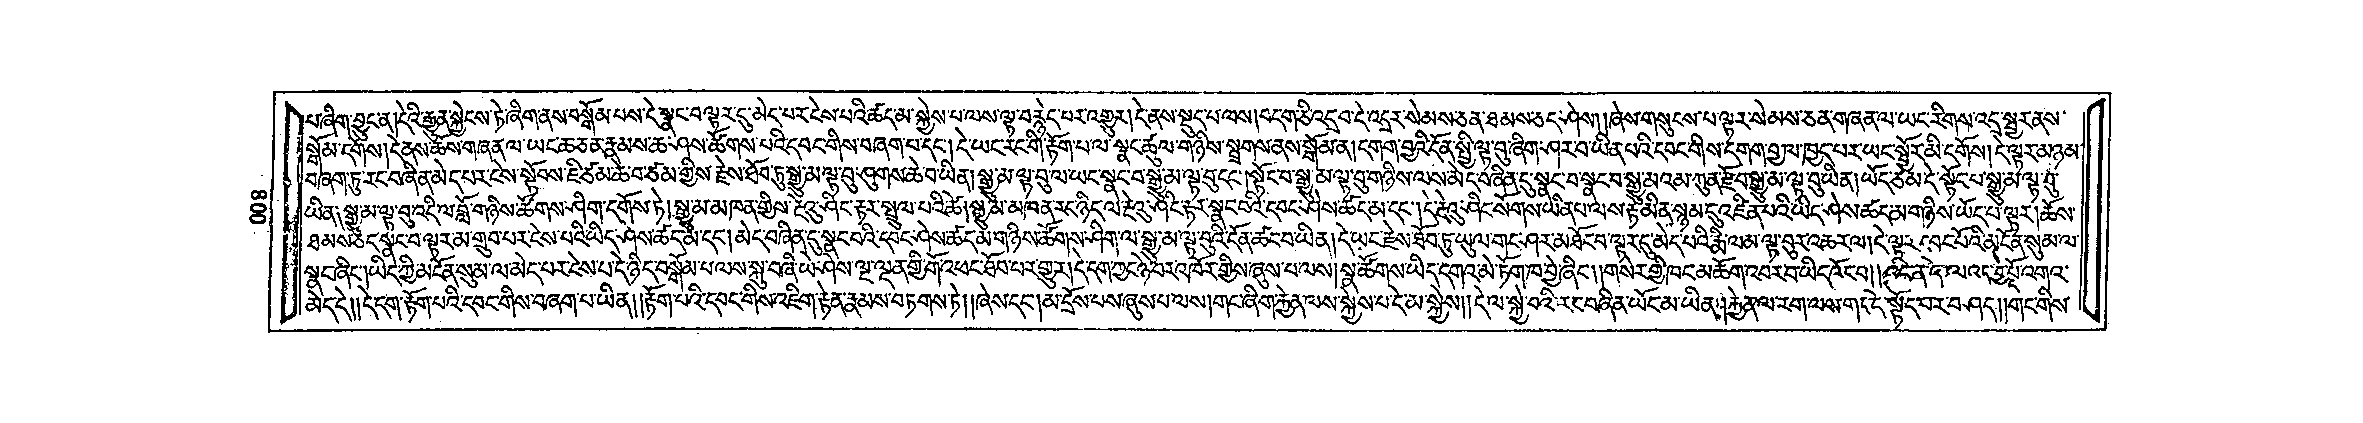པ་ཞིག་བྱུང་ན། དེའི་རྒྱུན་སྐྱེངས་ཏེ་ཞིག་ནས་བསྒོམ་པས་དེ་སྣང་བ་ལྟར་དུ་མེད་པར་ངེས་པའི་ཚད་མ་སྐྱེས་པ་ལས་ལྟ་བརྙེད་པར་འགྱུར། དེ་ནས་སྡུད་པ་ལས། བདག་ཅི་འདྲ་བ་དེ་འདྲར་སེམས་ཅན་ཐམས་ཅད་ཤེས། །ཞེས་གསུངས་པ་ལྟར་སེམས་ཅན་གཞན་ལ་ཡང་རིགས་འདྲ་སྦྱར་ནས་
སྒོམ་དགོས། དེ་ནས་ཆོས་གཞན་ལ་ཡང་ཆ་ཅན་རྣམས་ཆ་ཤས་ཚོགས་པའི་དབང་གིས་བཞག་པ་དང་། དེ་ཡང་རང་གི་རྟོག་པ་ལ་སྣང་ཚུལ་གཉིས་སྦྲགས་ནས་སྒོམ་ན། དགག་བྱའི་དོན་སྤྱི་ལྟ་བུ་ཞིག་ཤར་བ་ཡིན་པའི་དབང་གིས་དགག་བྱ་ལ་ཁྱད་པར་ཡང་སྦྱོར་མི་དགོས། དེ་ལྟར་མཉམ་
བཞག་ཏུ་རང་བཞིན་མེད་པར་ངེས་སྟོབས་ཇི་ཙམ་ཆེ་བ་ཙམ་གྱིས་རྗེས་ཐོབ་ཏུ་སྒྱུར་མ་ལྟ་བུ་ཤུགས་ཆེ་བ་ཡིན། སྒྱུ་མ་ལྟ་བུ་ལ་ཡང་སྣང་བ་སྒྱུ་མ་ལྟ་བུ་དང་། སྟོང་བ་སྒྱུ་མ་ལྟ་བུ་གཉིས་ལས་མེད་བཞིན་དུ་སྣང་བ་སྣང་བ་སྒྱུ་མའམ་ཀུན་རྫོབ་སྒྱུ་མ་ལྟ་བུ་ཡིན། ཡོད་ཙམ་དེ་སྟོང་པ་སྒྱུ་མ་ལྟ་བུ་
ཡིན། སྒྱུ་མ་ལྟ་བུ་འདི་ལ་བློ་གཉིས་ཚོགས་ཤིག་དགོས་ཏེ། སྒྱུ་མ་མཁན་གྱིས་རྡེའུ་ཤིང་རྟར་སྤྲུལ་པའི་ཚེ། སྒྱུ་མ་མཁན་རང་ཉིད་ལ་རྡེའུ་ཤིང་རྟར་སྣང་བའི་དབང་ཤེས་ཚད་མ་དང་། དེ་རྡེའུ་ཤིང་སོགས་ཡིན་པ་ལས་རྟ་མིན་སྙམ་དུ་འཛིན་པའི་ཡིད་ཤེས་ཚད་མ་གཉིས་ཡོད་པ་ལྟར། ཆོས་
ཐམས་ཅད་སྣང་བ་ལྟར་མ་གྲུབ་པར་ངེས་པའི་ཡིད་ཤེས་ཚད་མ་དང་། མེད་བཞིན་དུ་སྣང་བའི་དབང་ཤེས་ཚད་མ་གཉིས་ཚོགས་ཤིག་ལ་སྒྱུ་མ་ལྟ་བུའི་དོན་ཚང་བ་ཡིན། དེ་ཡང་རྗེས་ཐོབ་ཏུ་ཡུལ་གང་ཤར་མཐོང་བ་ལྟར་དུ་མེད་པའི་རྨི་ལམ་ལྟ་བུར་འཆར་ལ། དེ་ལྟར་དབང་པོའི་མངོན་སུམ་ལ་
སྣང་ཞིང་། ཡིད་ཀྱི་མངོན་སུམ་ལ་མེད་པར་ངེས་པ་དེ་ཉིད་བསྒོམ་པ་ལས་སྐུ་བཞི་ཡེ་ཤེས་ལྔ་ལྡན་གྱི་གོ་འཕང་ཐོབ་པར་གྱུར། དེ་དག་ཀྱང་ཉེ་བར་འཁོར་གྱིས་ཞུས་པ་ལས། སྣ་ཚོགས་ཡིད་དགའ་མེ་ཏོག་ཁ་བྱེ་ཞིང་། །གསེར་གྱི་ཁང་མཆོག་འབར་བ་ཡིད་འོང་བ། །འདི་ན་དེ་ལའང་བྱེད་པོ་འགའ་
མེད་དེ། །དེ་དག་རྟོག་པའི་དབང་གིས་བཞག་པ་ཡིན། །རྟོག་པའི་དབང་གིས་འཇིག་རྟེན་རྣམས་བཏགས་ཏེ། །ཞེས་དང་། མ་དྲོས་པས་ཞུས་པ་ལས། གང་ཞིག་རྐྱེན་ལས་སྐྱེས་པ་དེ་མ་སྐྱེས། །དེ་ལ་སྐྱེ་རྦའི་རང་བཞིན་ཡོང་མ་ཡིན། རྐྱེན་ལ་རག་ལས་གང་དེ་སྟོད་པར་བཤད། །གང་གིས་